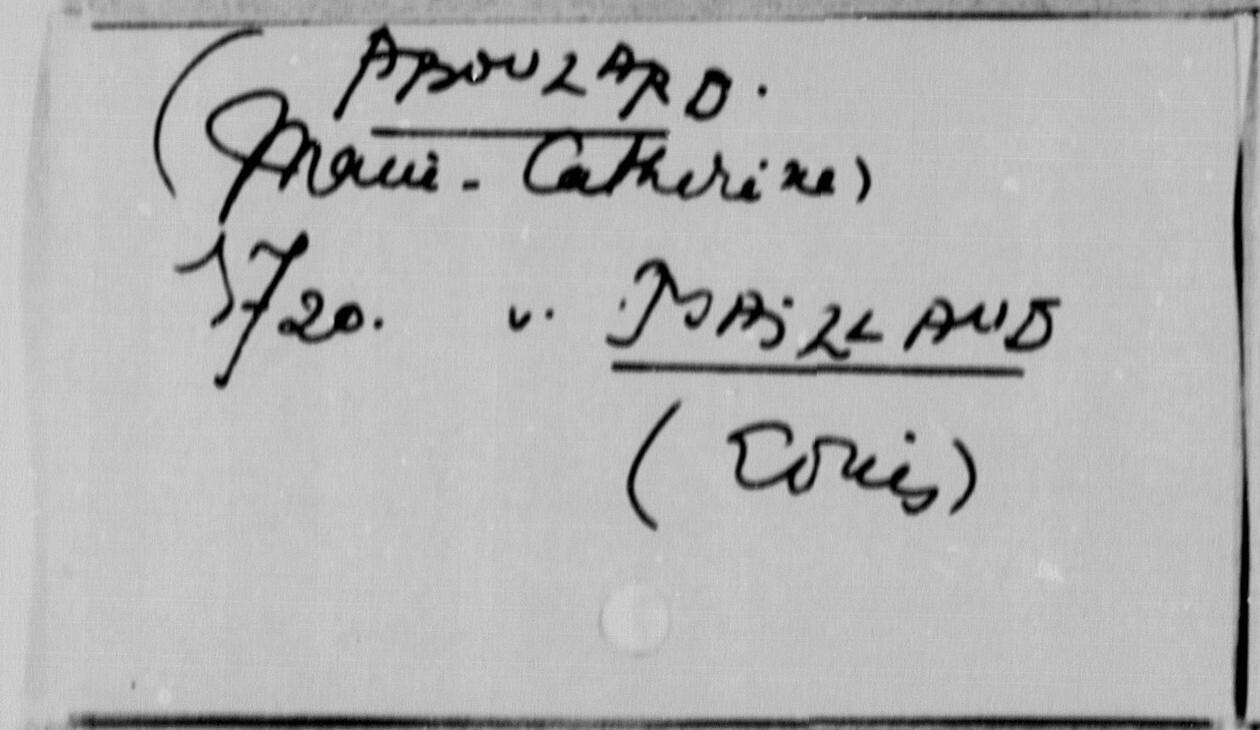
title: ABOULARD (Marie-Catherine)
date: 1720
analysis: Voir MAILLAUD (Louis)
